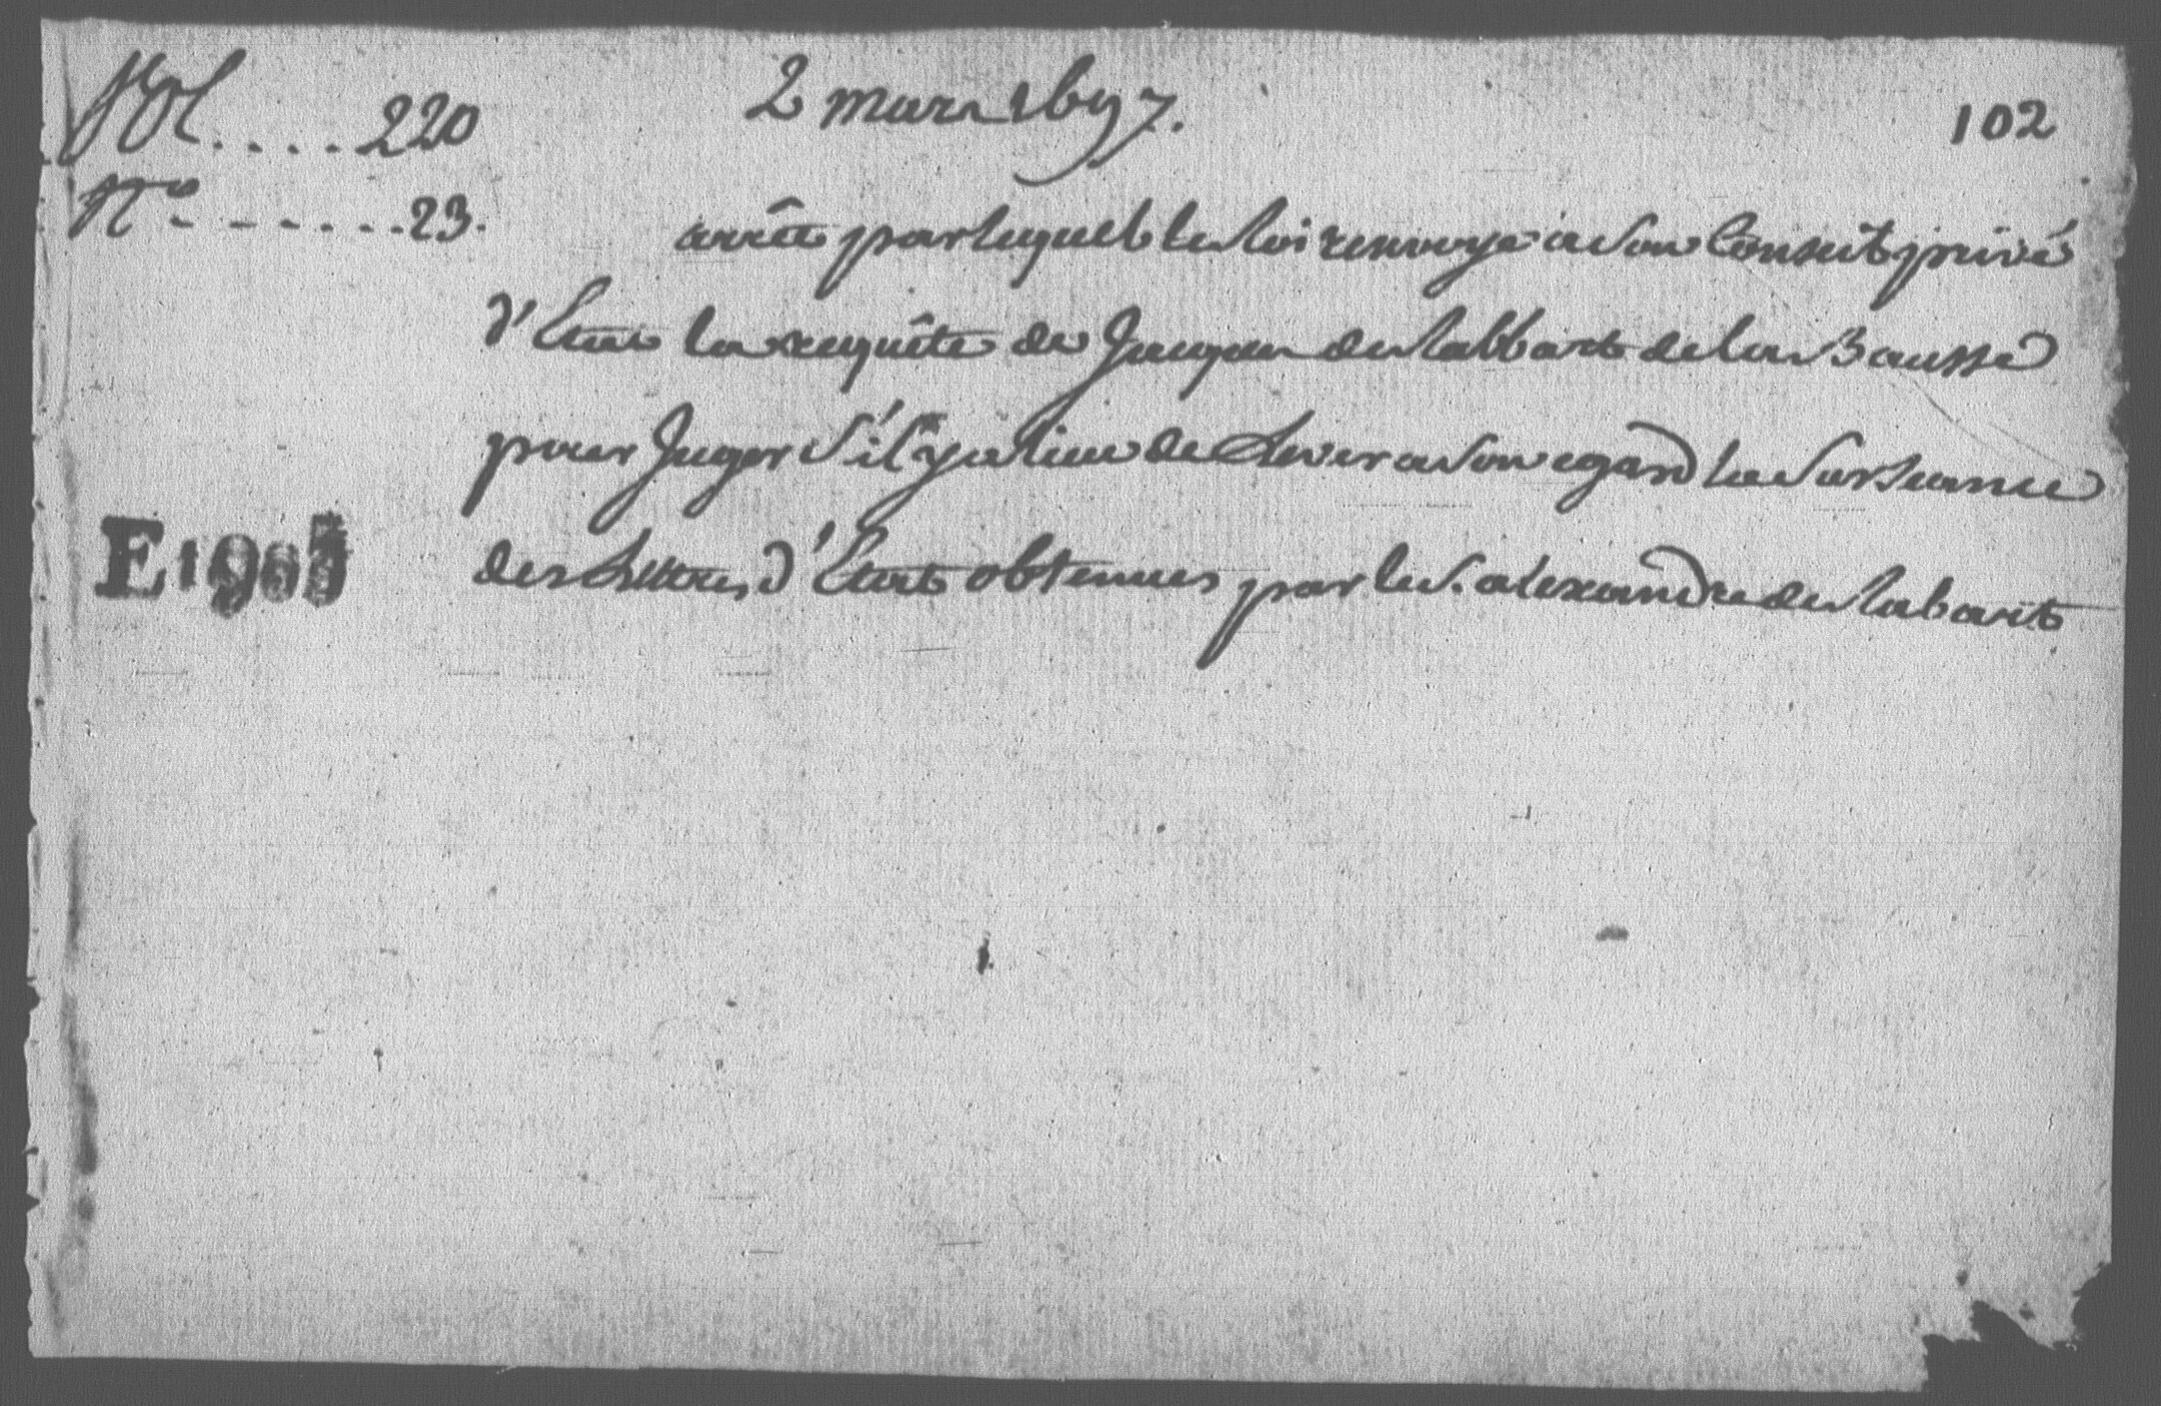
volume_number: n°23
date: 2 mars 1697
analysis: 102
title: arrêt par lequel le Roi renvoye a son Conseil privé d'Etat la requête de Jacques de Rabbart de la Bausse pour juger s'il y a lieu de lever a son egard la surseance des lettres d'etat obtenues par le S. alexandre de Rabart
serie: E
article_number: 1903
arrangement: vol. 220
